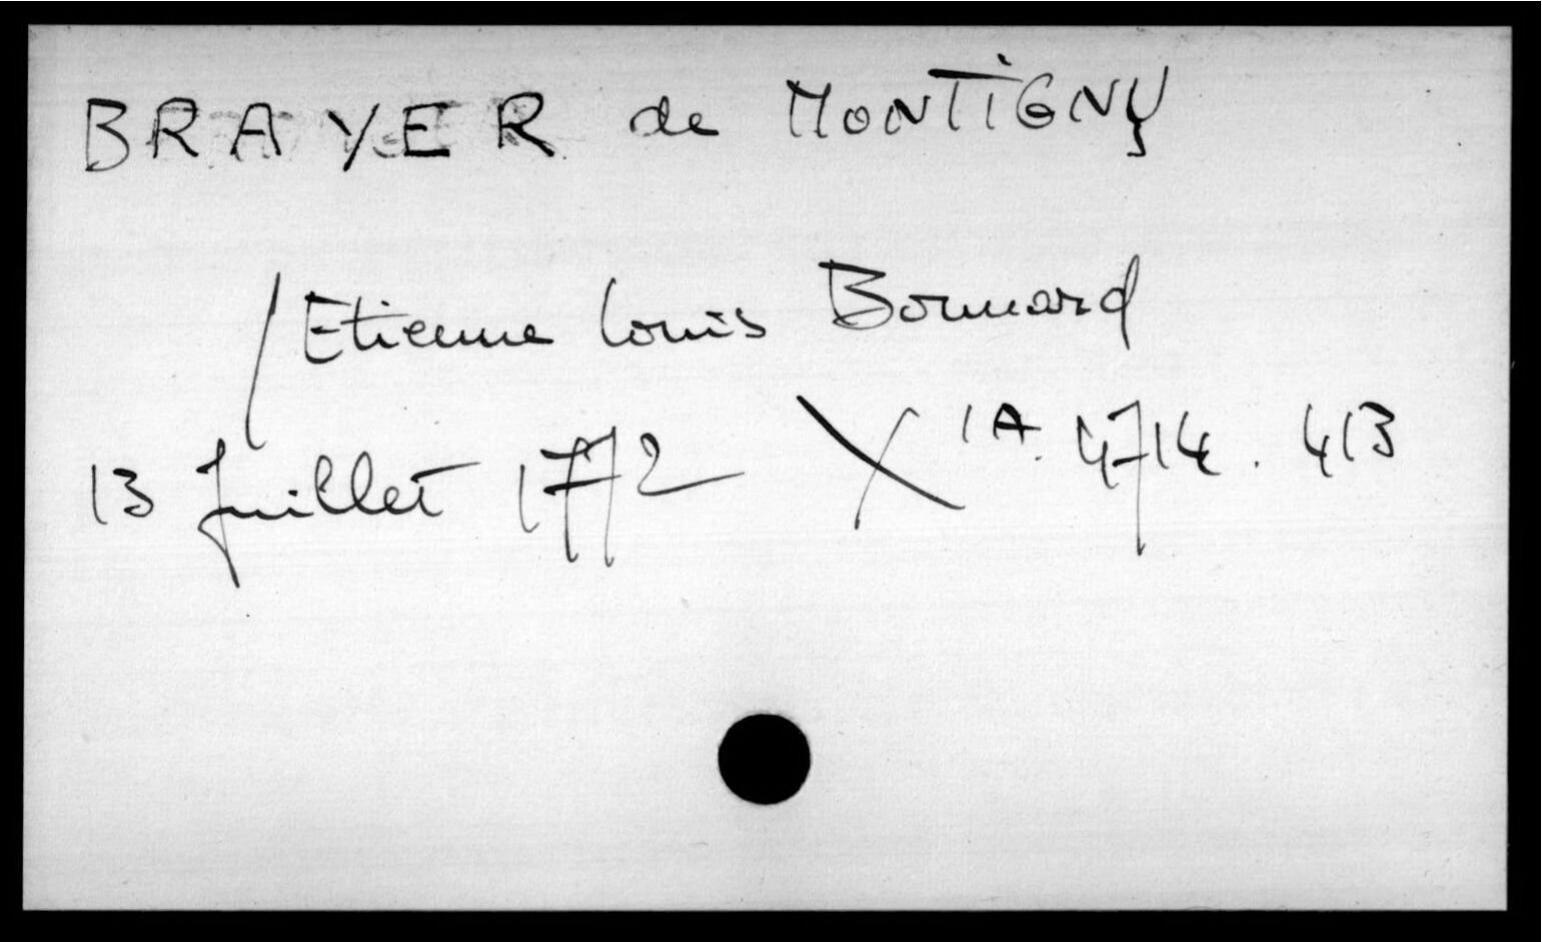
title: BRAYER de MONTIGNY
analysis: Contre Étienne Louis Bomard
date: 13 juillet 1772
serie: X1A
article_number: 4714
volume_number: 413
